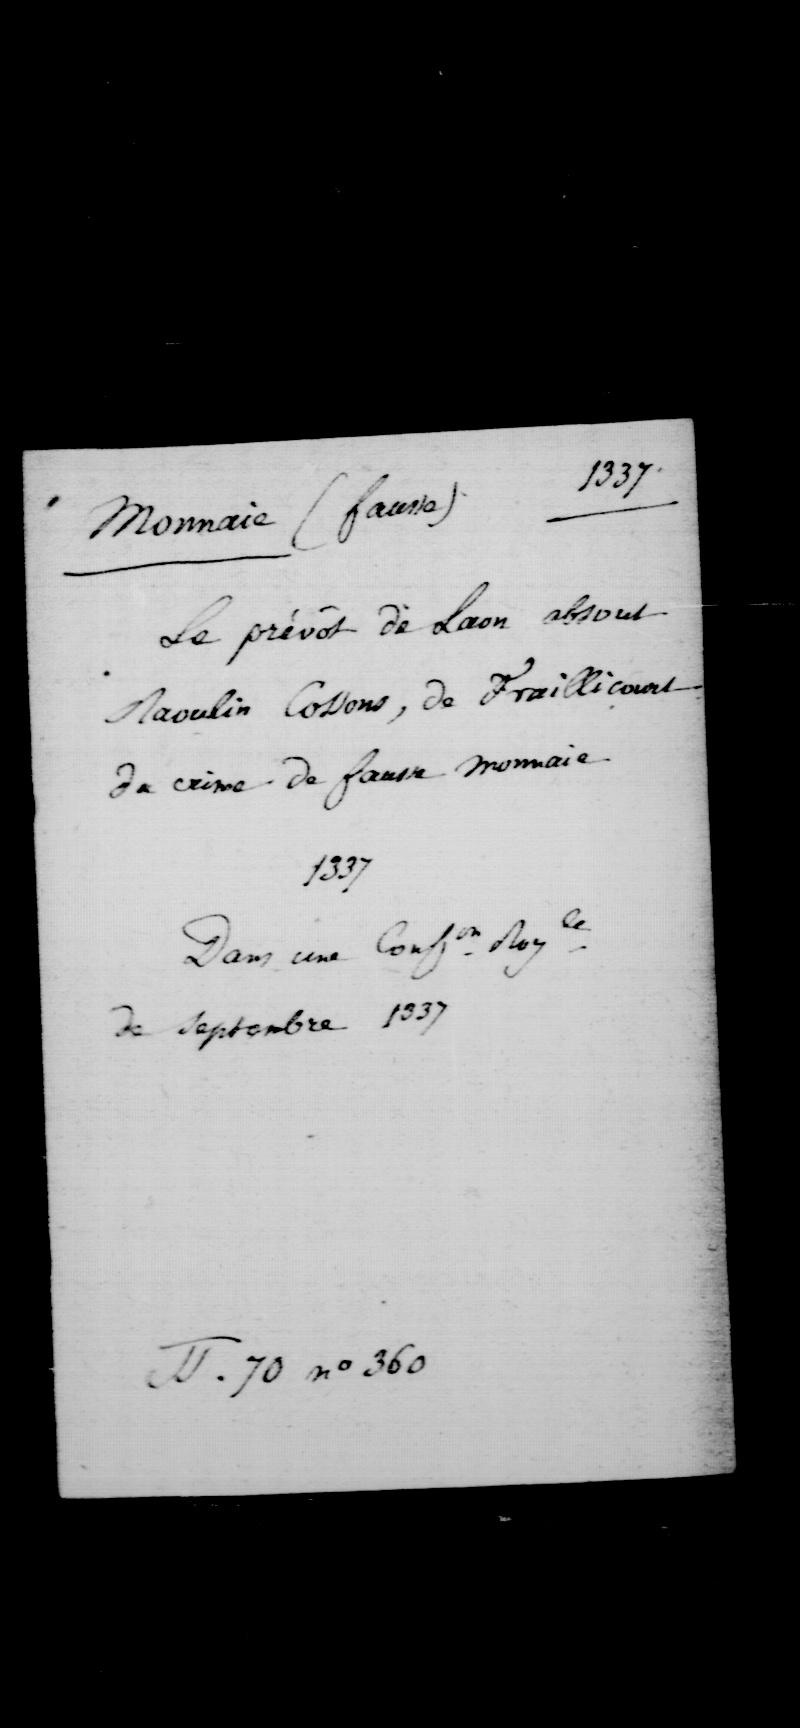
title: Monnaie (fausse)
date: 1337
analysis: Le prévôt de Laon absout Raoulin Cossons, de Fraillicourt du crime de fausse monnaie Dans une Confirmation Royale de septembre 1337
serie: JJ
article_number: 70
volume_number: n° 360
